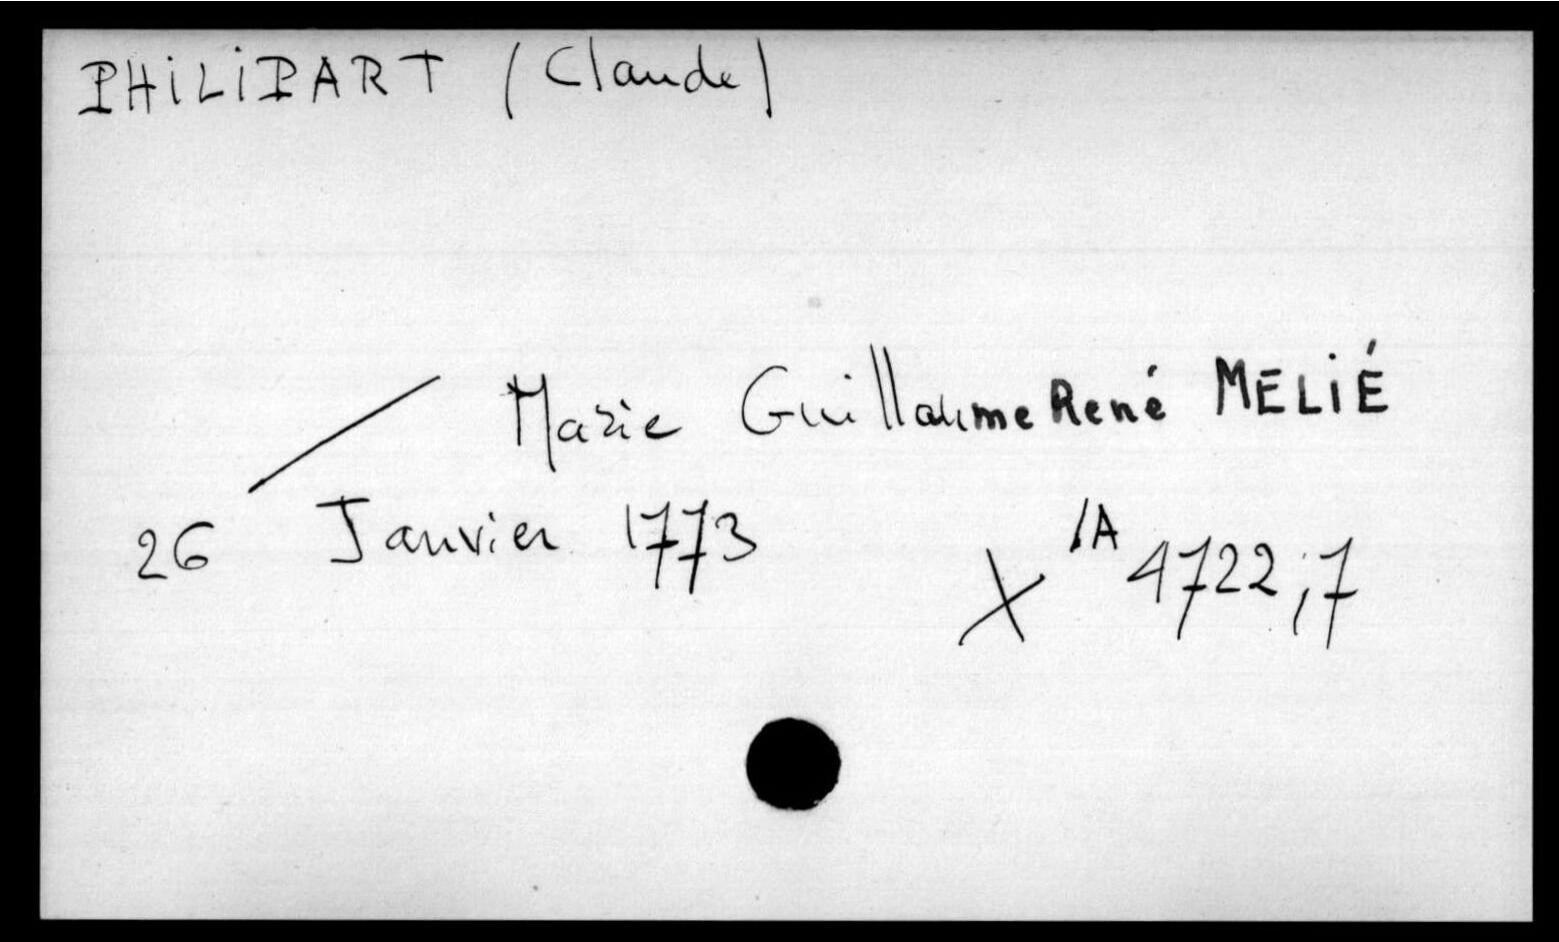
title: PHILIPART (Claude)
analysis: Contre Marie Guillaume René MELIÉ
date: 26 janvier 1773
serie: X1A
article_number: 4722
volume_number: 7
